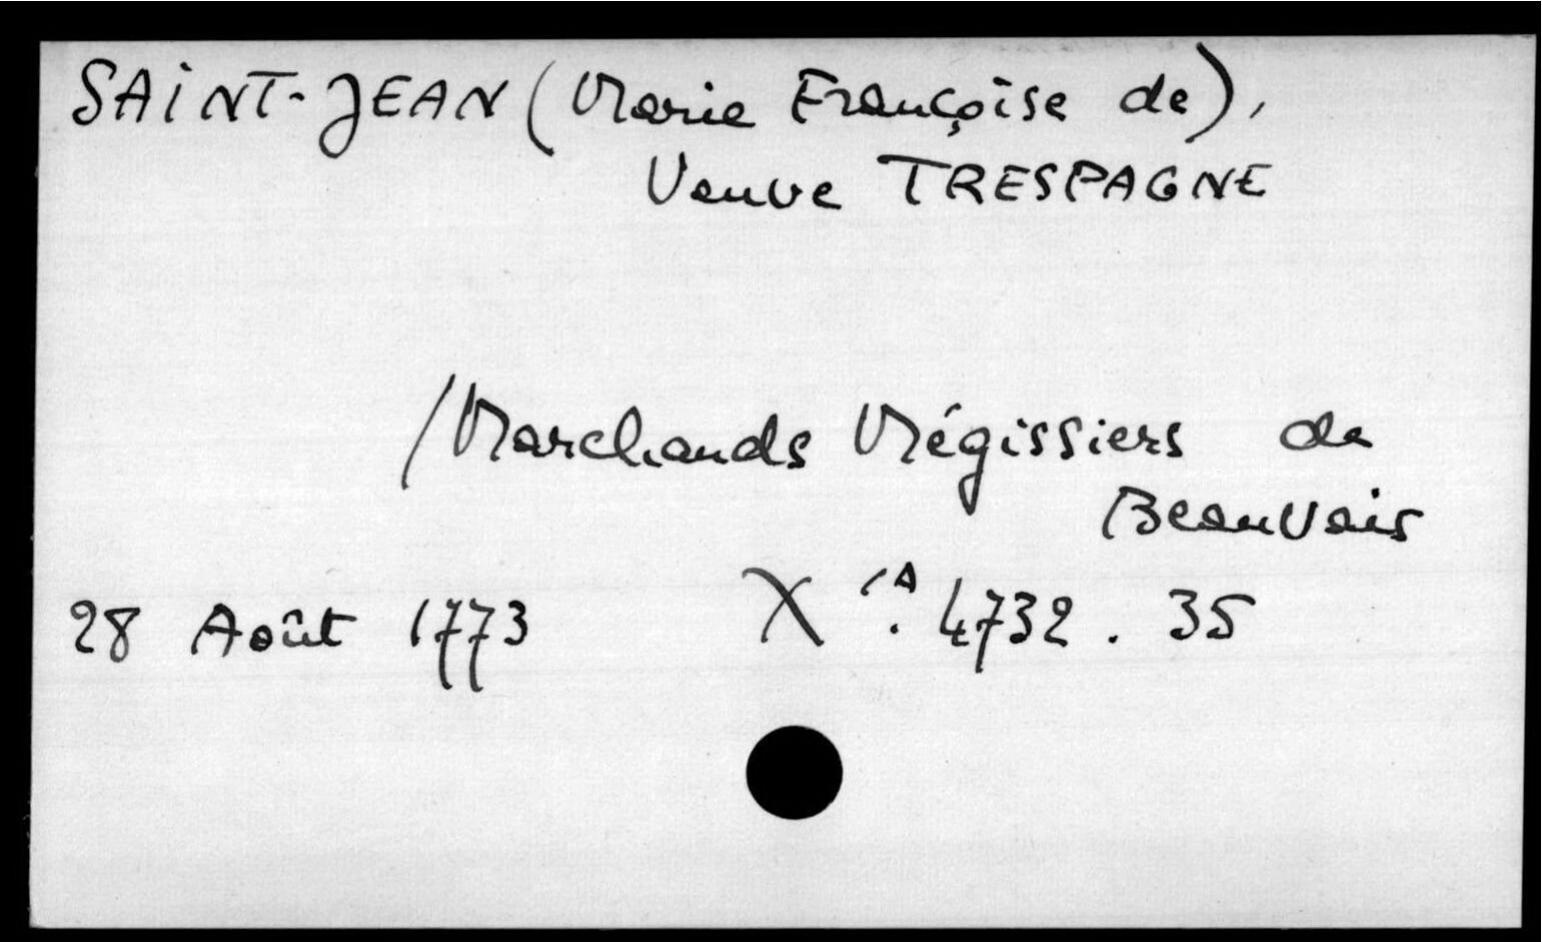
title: SAINT-JEAN (Marie Françoise de), Veuve TRESPAGNE
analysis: Contre Marchands mégissiers de Beauvais
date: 28 août 1773
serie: X1A
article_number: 4732
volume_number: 35
